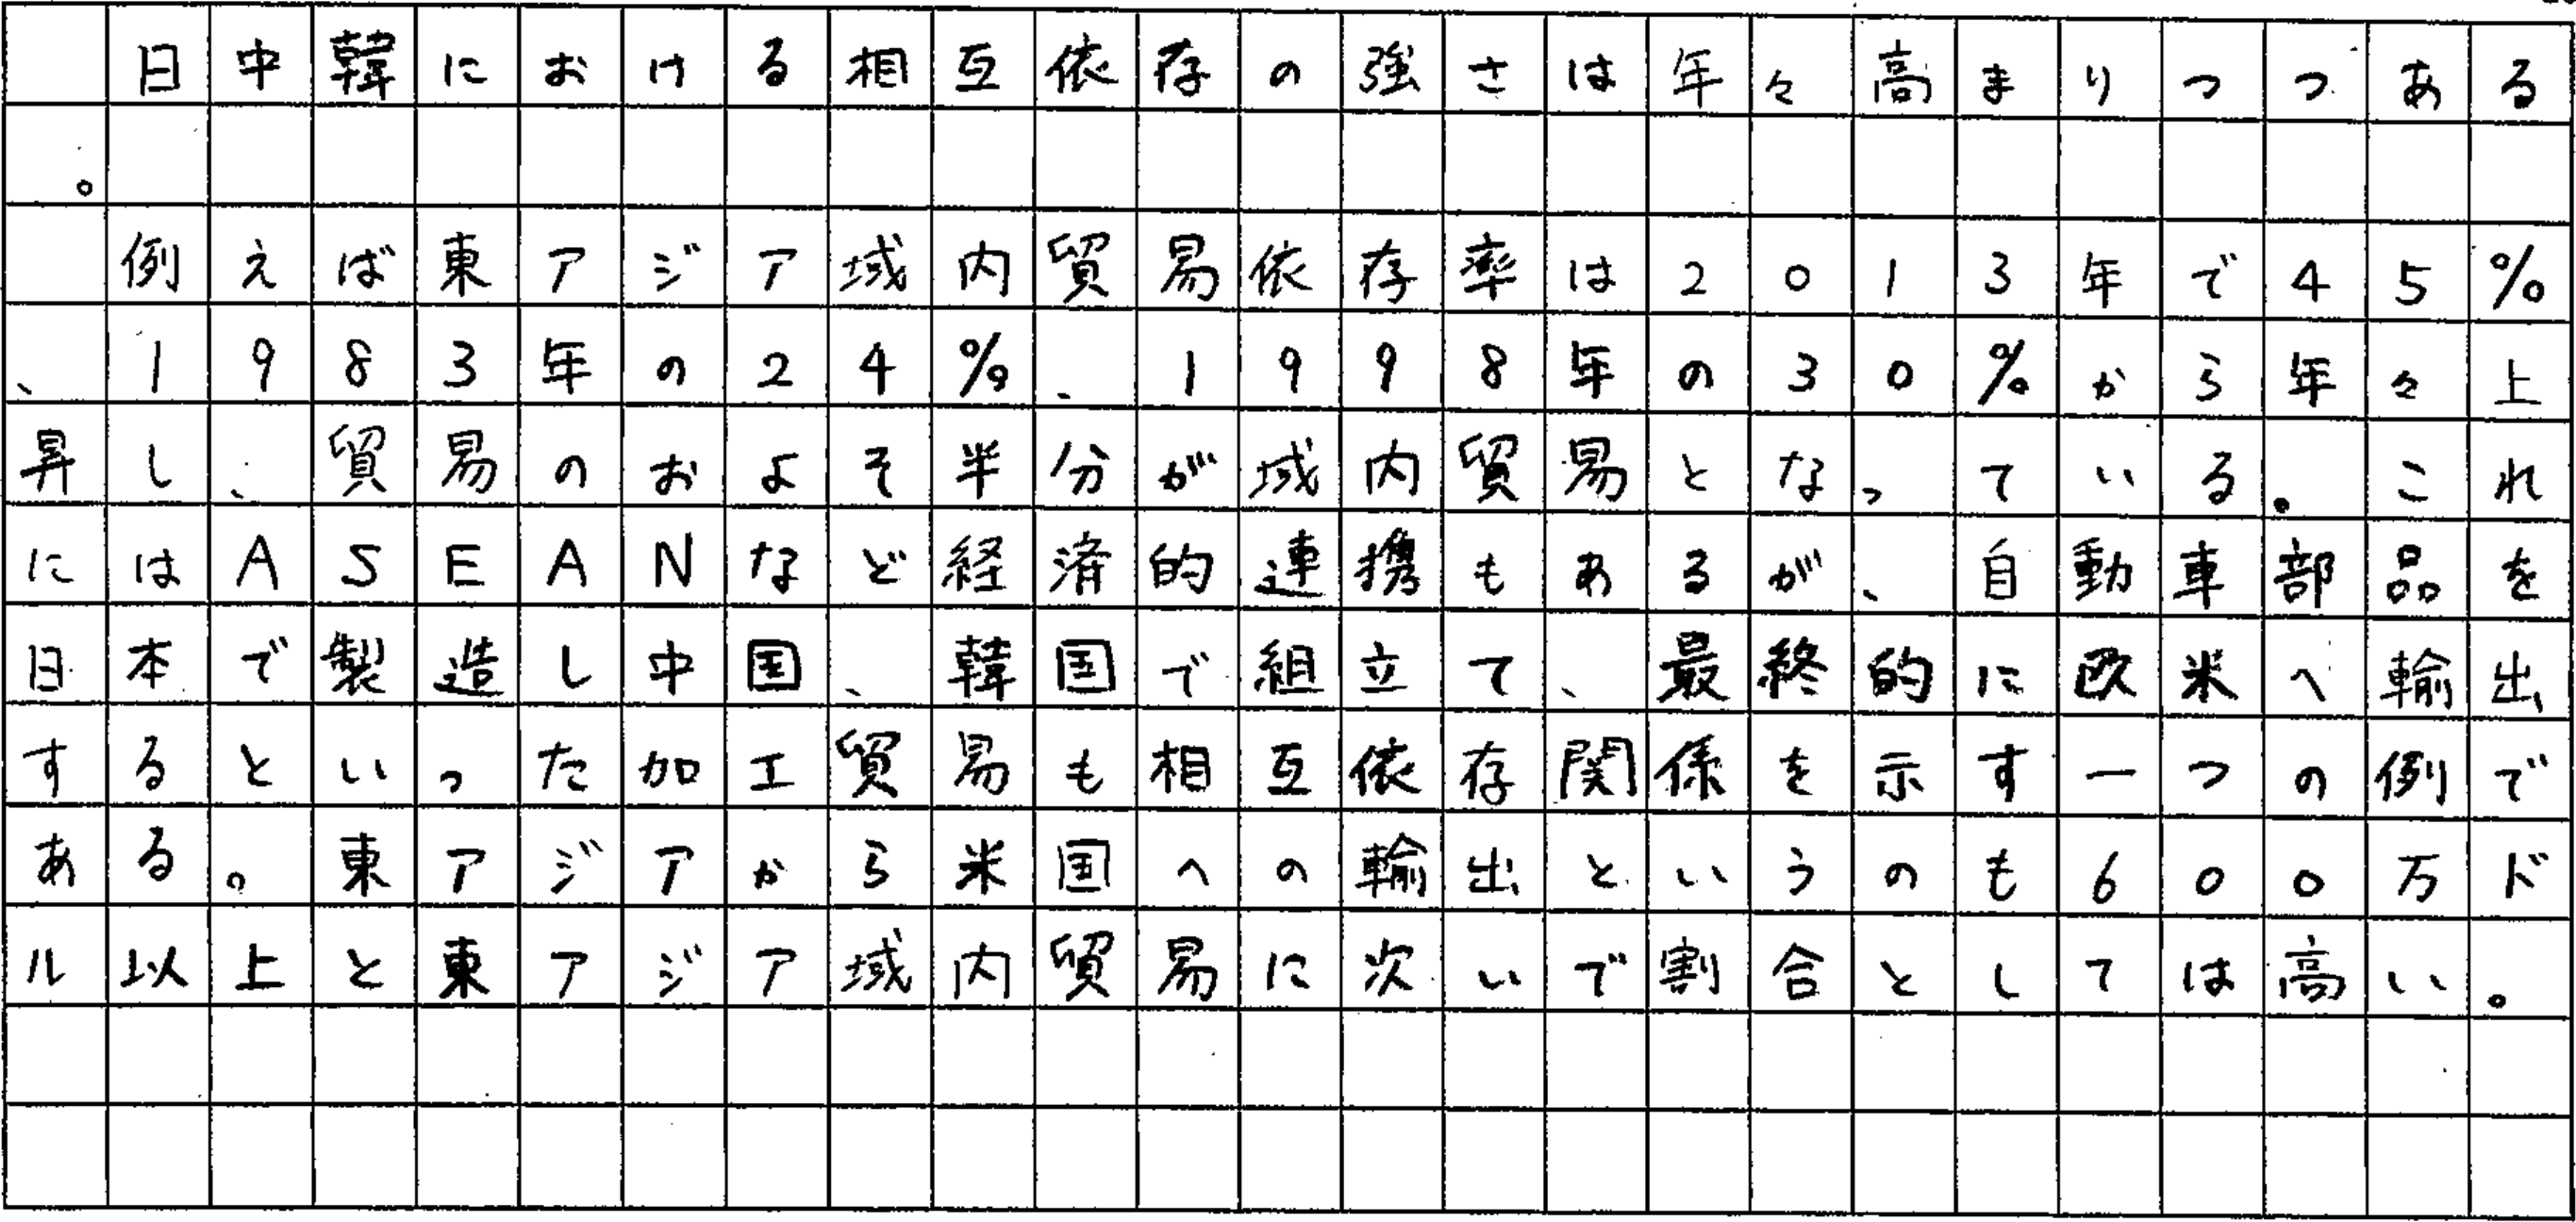　日中韓における相互依存の強さは年々高まりつつある。
　例えば東アジア域内貿易依存率は２０１３年で４５％、１９８３年の２４％、１９９８年の３０％から年々上昇し、貿易のおよそ半分が域内貿易となっている。これにはＡＳＥＡＮなど経済的連携もあるが、自動車部品を日本で製造し中国、韓国で組立て、最終的に欧米へ輸出するといった加工貿易も相互依存関係を示す一つの例である。東アジアから米国への輸出というのも６００万ドル以上と東アジア域内貿易に次いで割合としては高い。
